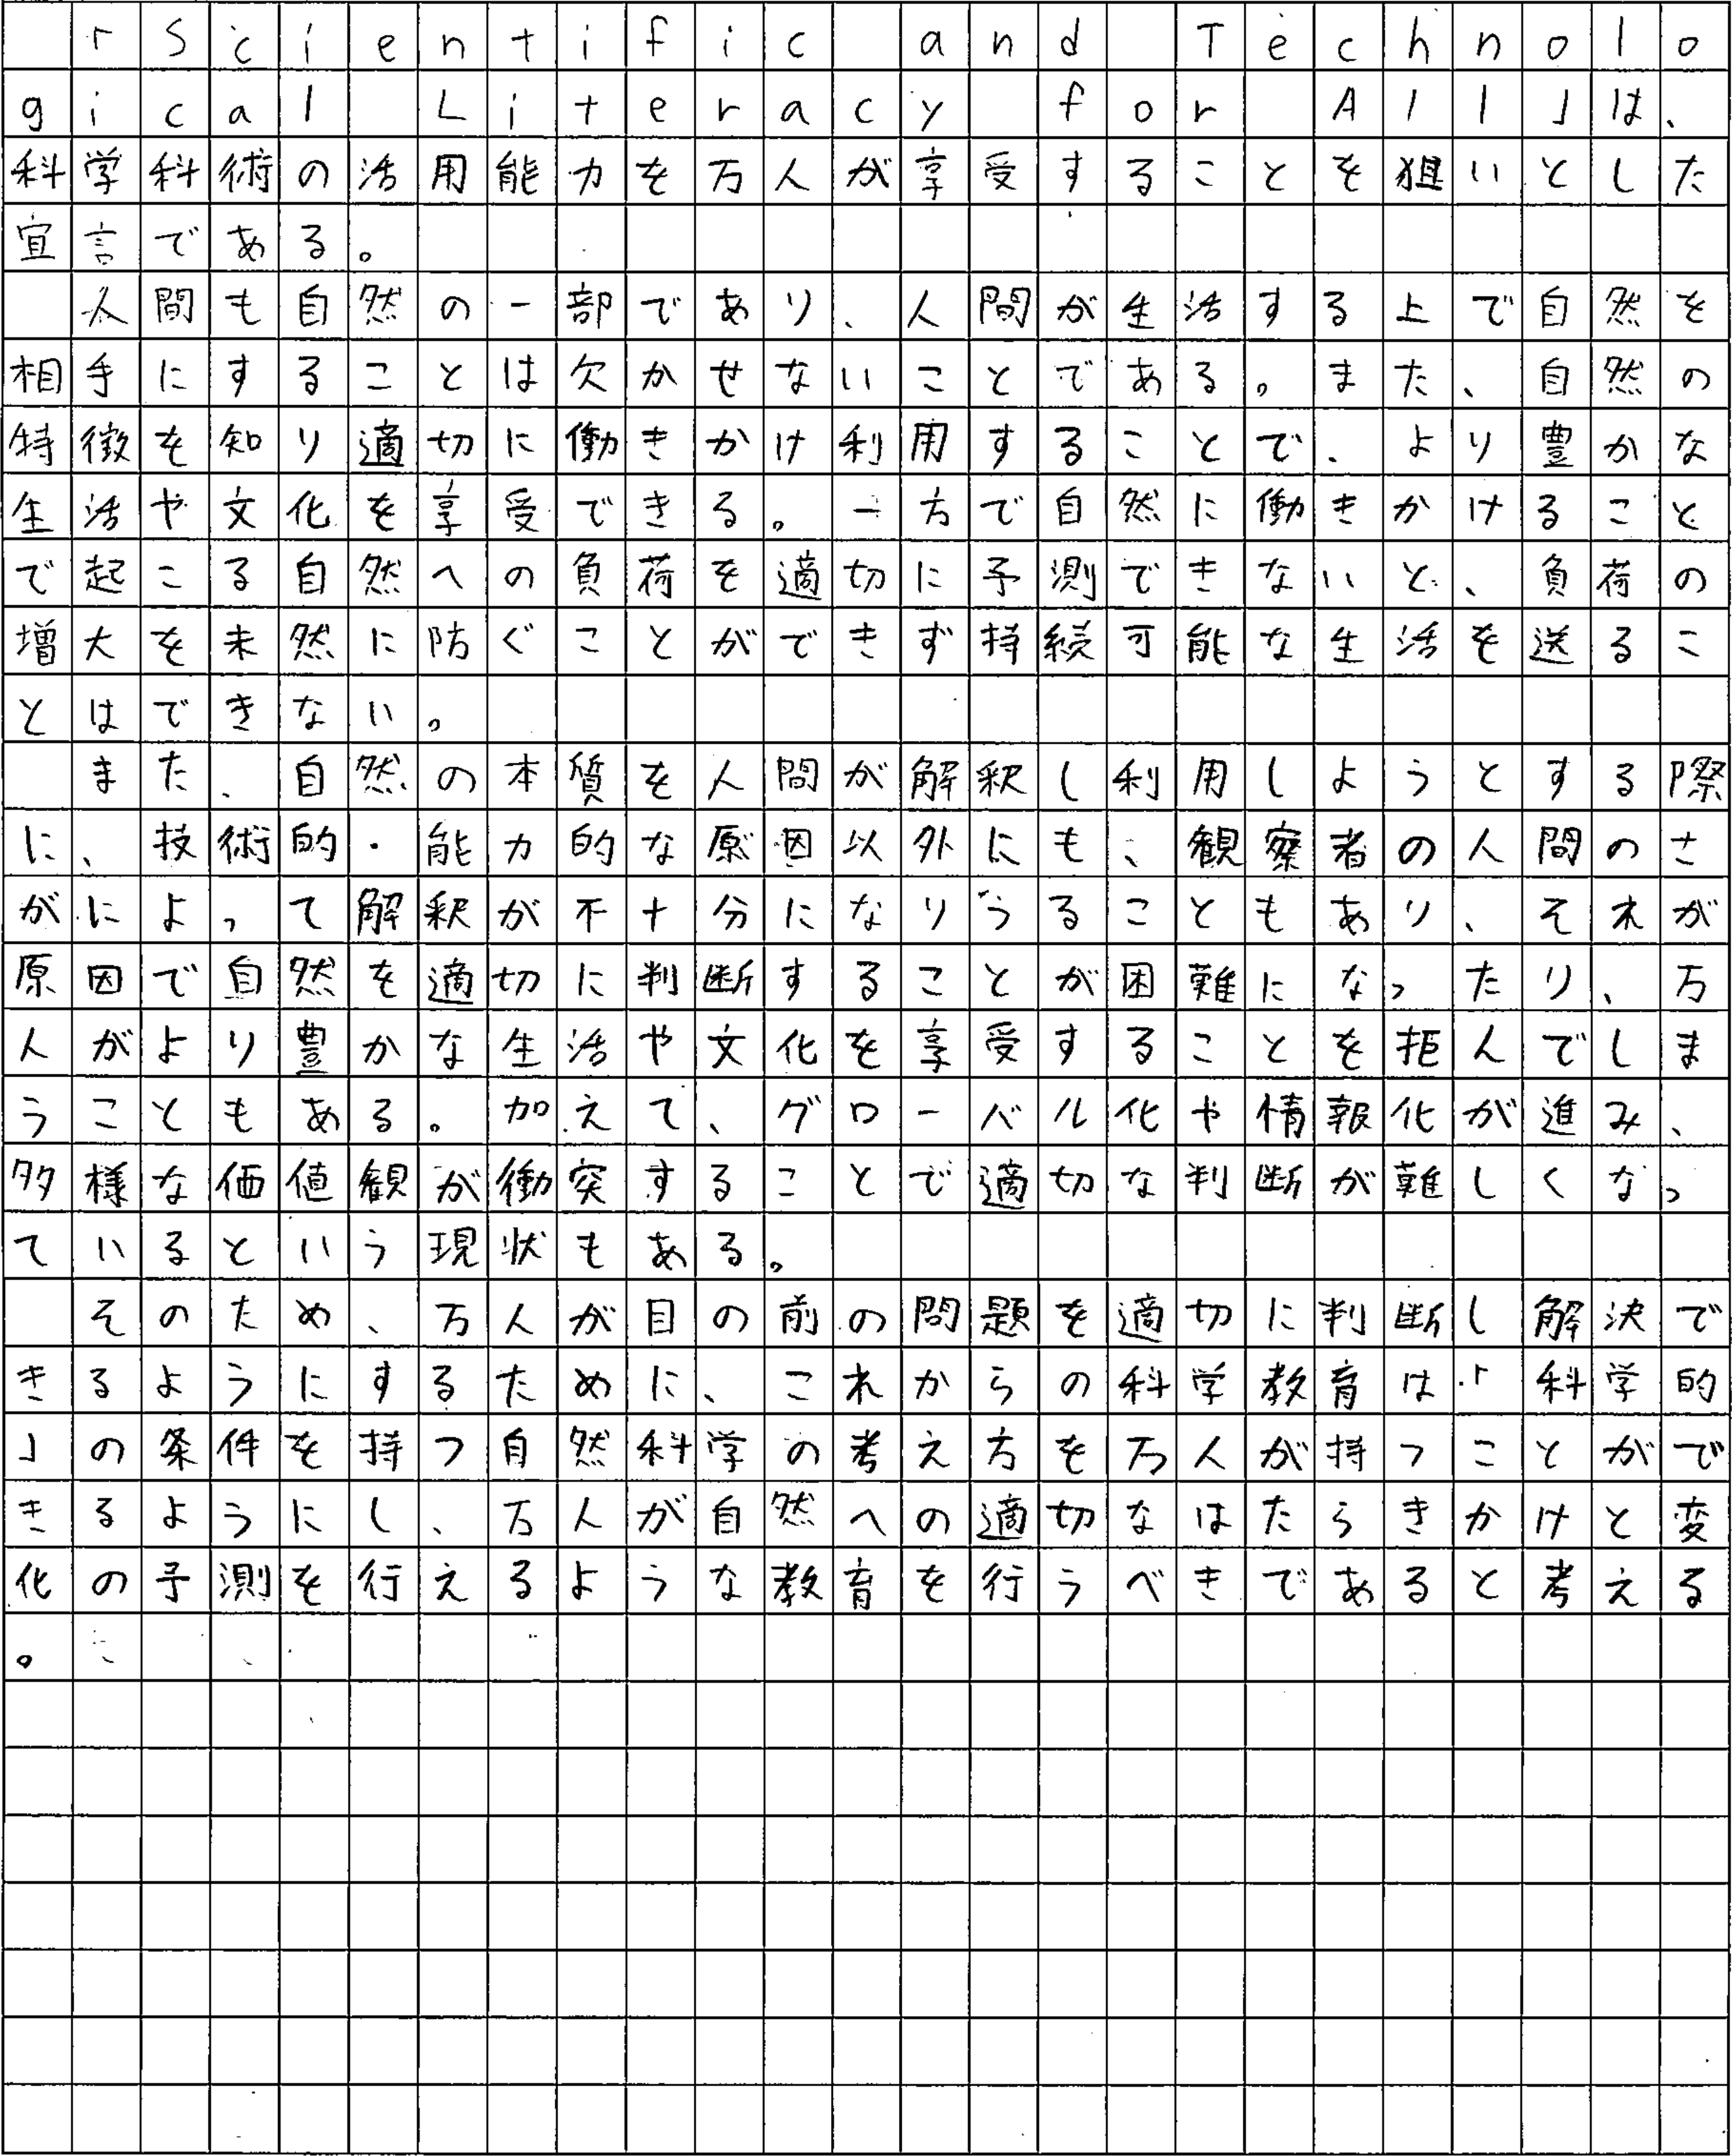　「Ｓｃｉｅｎｔｉｆｉｃ　ａｎｄ　Ｔｅｃｈｎｏｌｏｇｉｃａｌ　Ｌｉｔｅｒａｃｙ　ｆｏｒ　Ａｌｌ」は、科学科術の活用能力を万人が享受することを狙いとした宜言である。
　人間も自然の一部であり、人間が生活する上で自然を相手にすることは欠かせないことである。また、自然の特徴を知り適切に働きかけ利用することで、より豊かな生活や文化を享受できる。一方で自然に働きかけることで起こる自然への負荷を適切に予測できないと、負荷の増大を未然に防ぐことができず持続可能な生活を送ることはできない。
　また、自然の本質を人間が解釈し利用しようとする際に、技術的・能力的な原因以外にも、観察者の人間のさがによって解釈が不十分になりうることもあり、それが原因で自然を適切に判断することが困難になったり、万人がより豊かな生活や文化を享受することを拒んでしまうこともある。加えて、グローバル化や情報化が進み、多様な価値観が衝突することで適切な判断が難しくなっているという現状もある。
　そのため、万人が目の前の問題を適切に判断し解決できるようにするために、これからの科学教育は「科学的」の条件を持つ自然科学の考え方を万人が持つことができるようにし、万人が自然への適切なはたらきかけと変化の予測を行えるような教育を行うべきであると考える。
